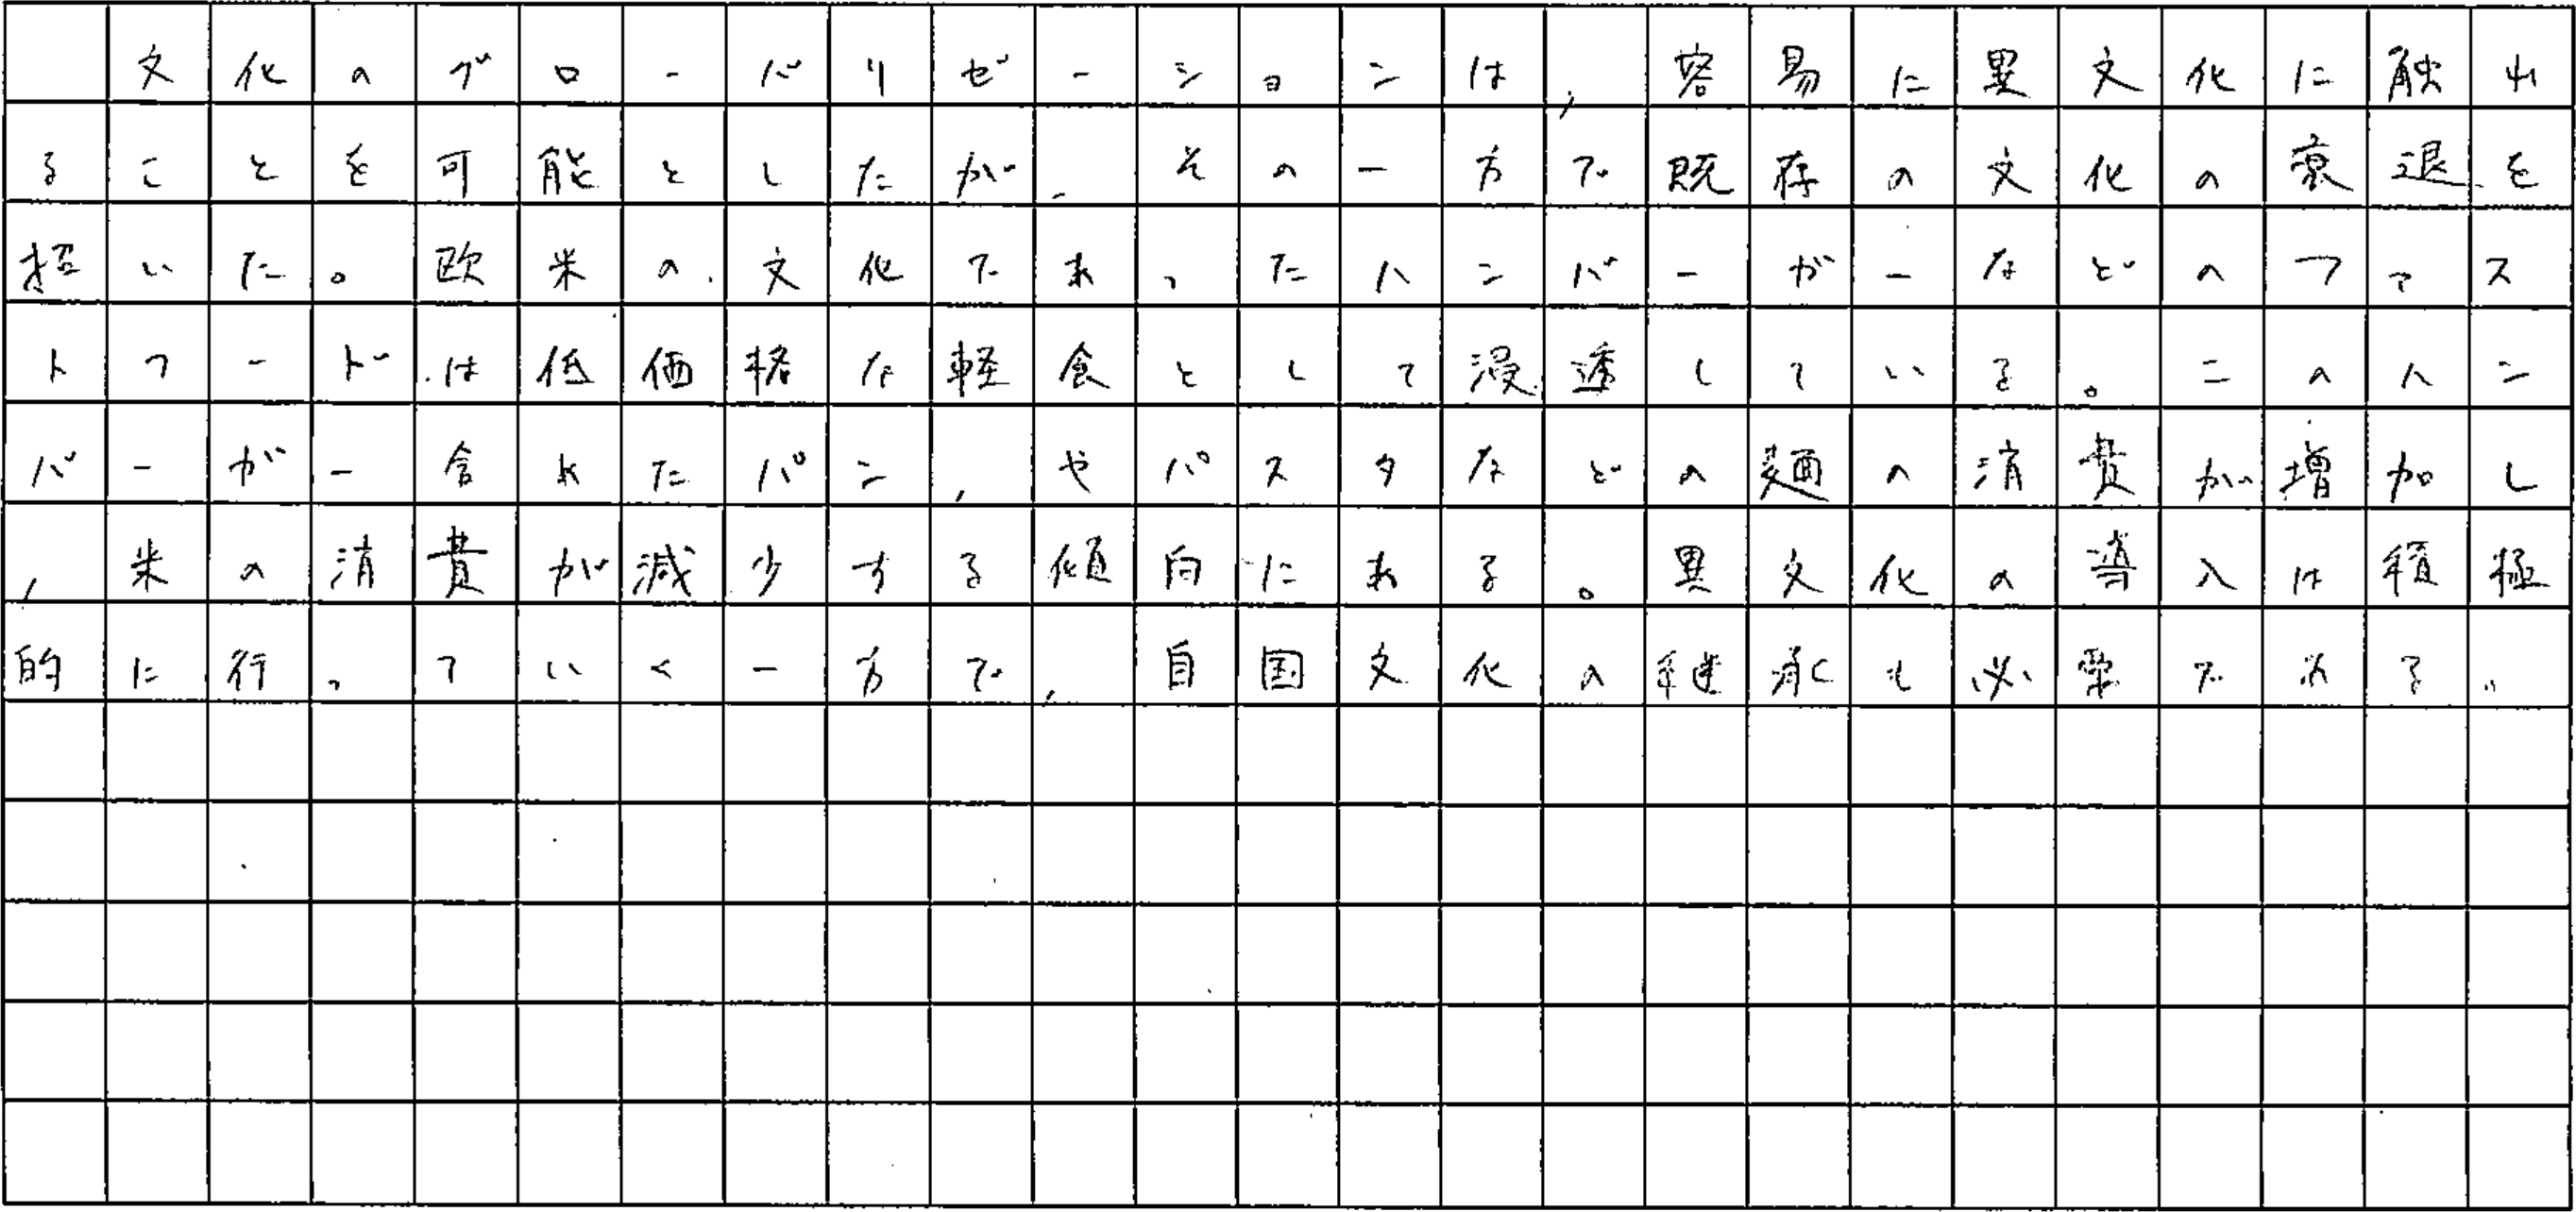　文化のグローバリゼーションは、容易に異文化に触れることを可能としたが、その一方で既存の文化の衰退を招いた。欧米の文化であったハンバーガーなどのファストフードは低価格な軽食として浸透している。このハンバーガー含めたパン、やパスタなどの麺の消費が増加し、米の消費が減少する傾向にある。異文化の導入は積極的に行っていく一方で、自国文化の継承も必要である。
